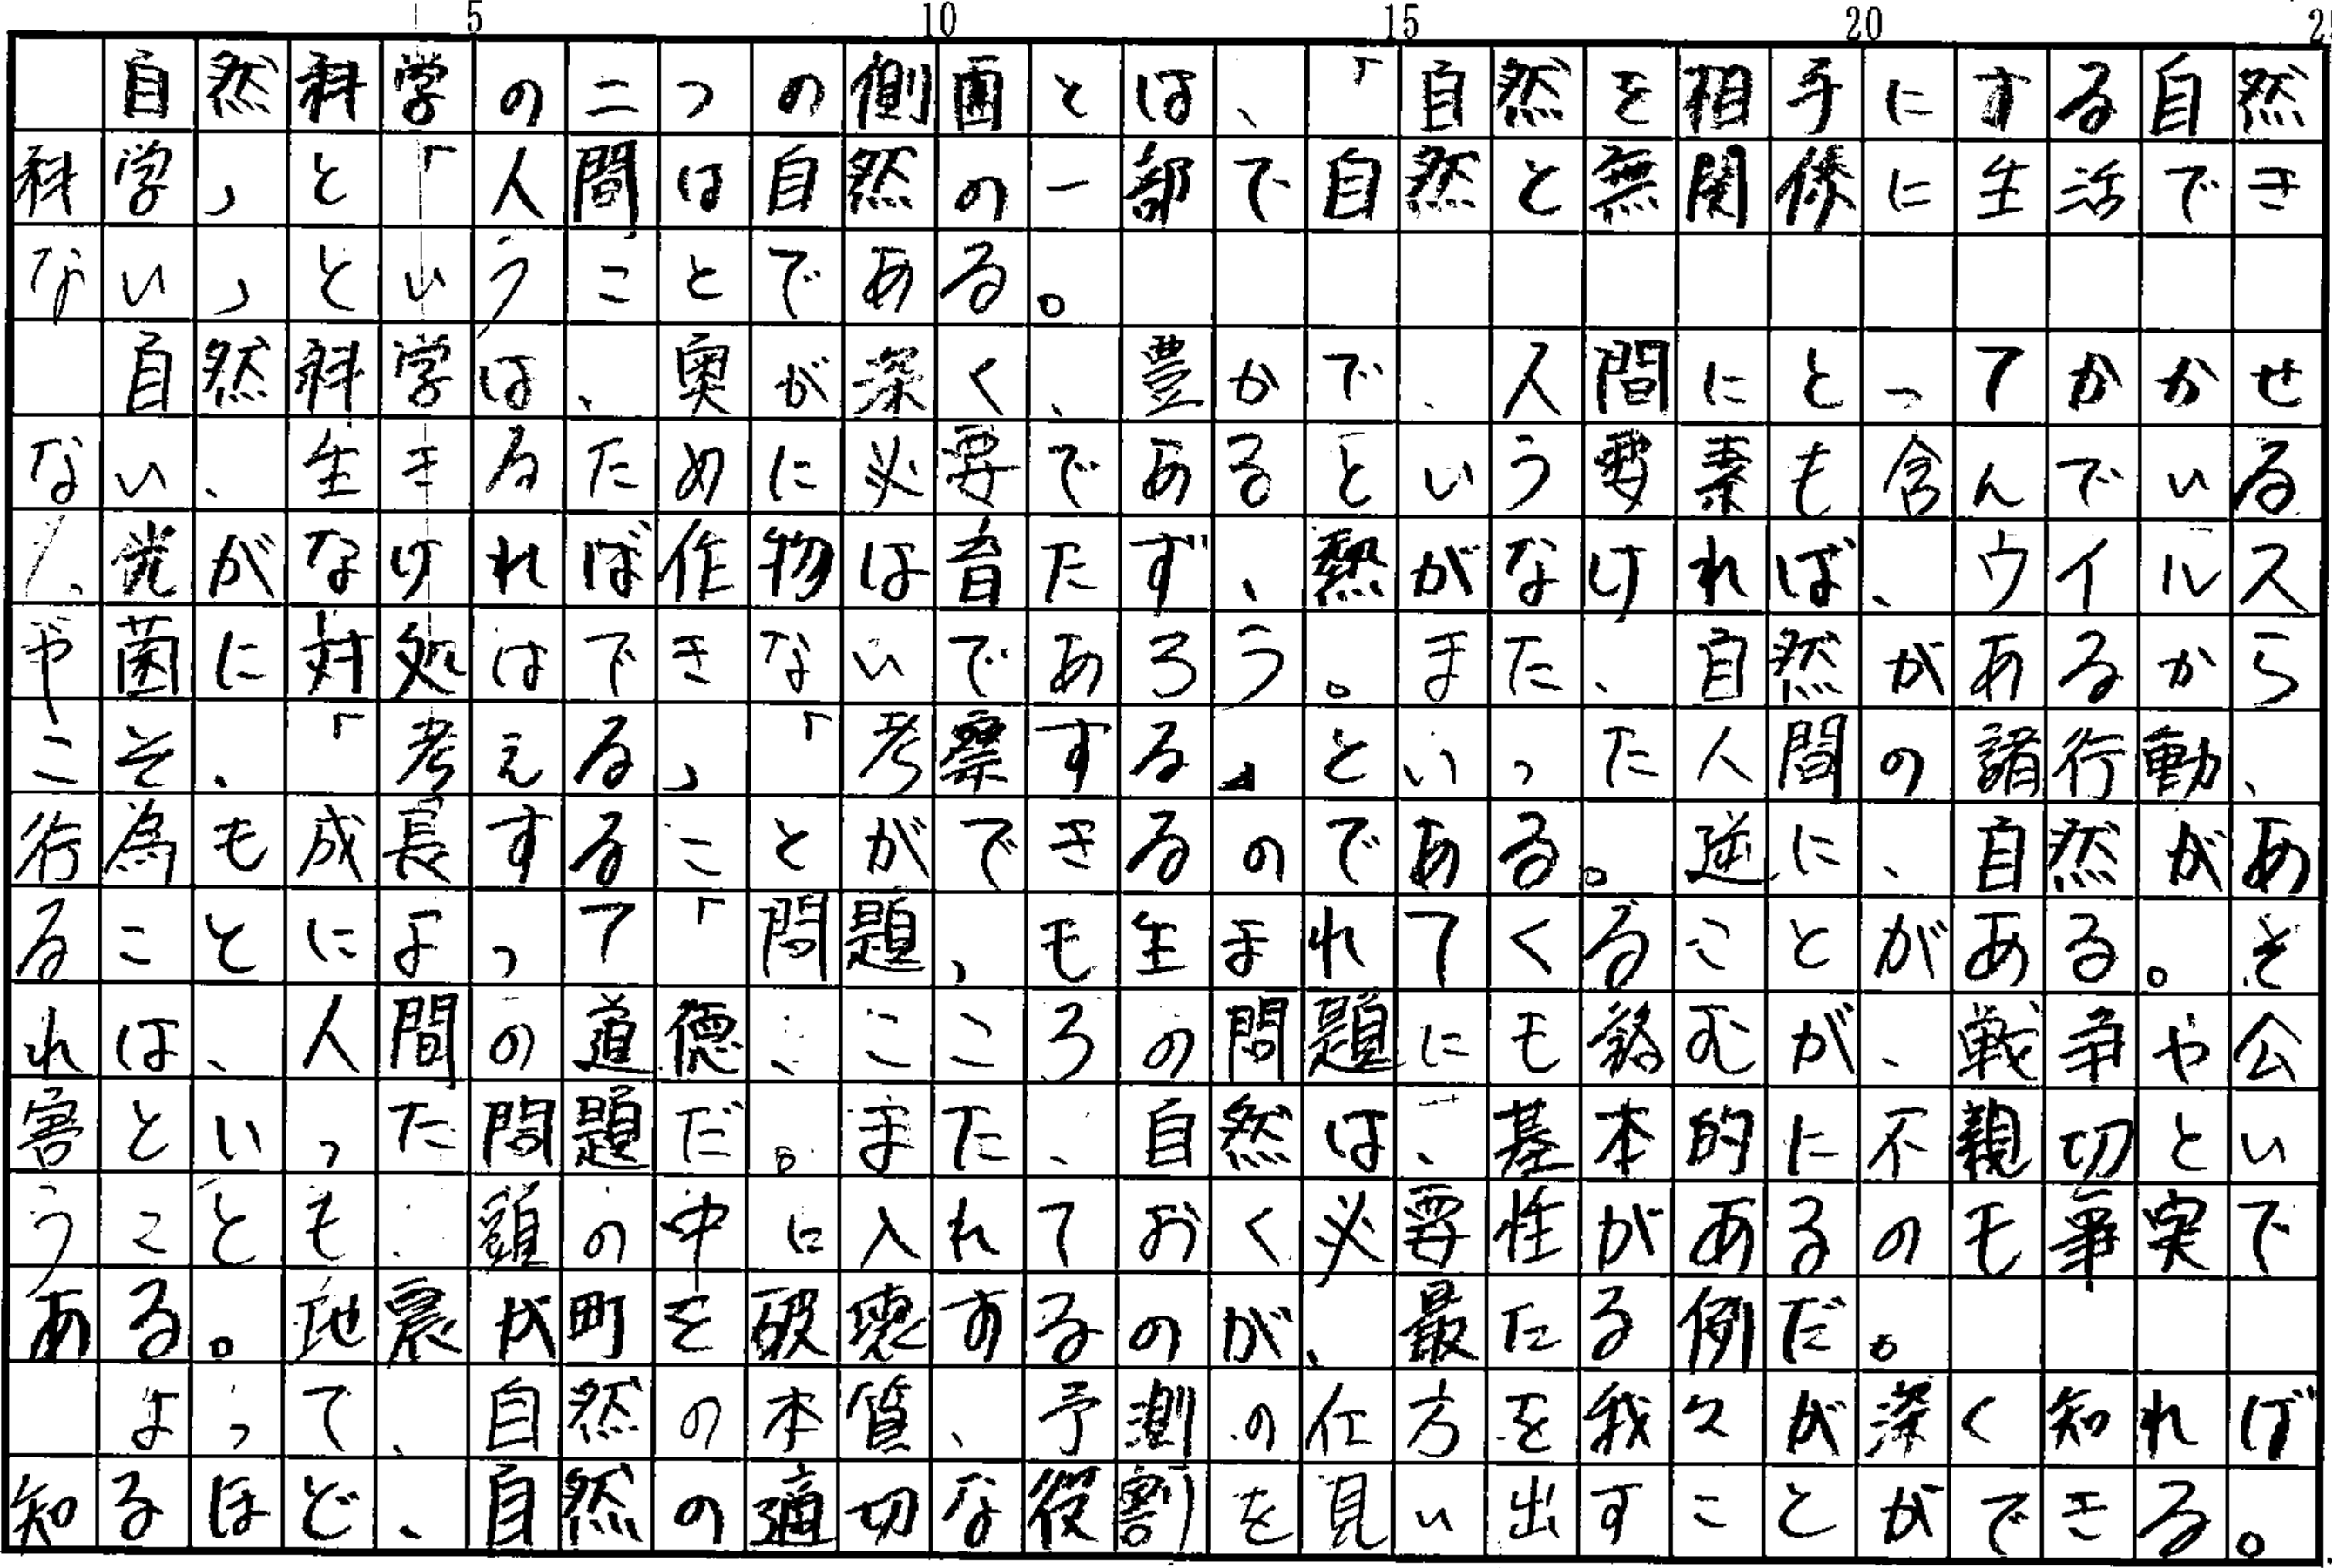　自然科学の二つに側面とは、「自然を相手にする自然科学」と「人間は自然の一部で自然と無関係に生活できない」ということである。
　自然科学は、奥が深く、豊かで、人間にとってかかせない、生きるために必要であるという要素も含んでいる。光がなければ作物は育たず、熱がなければ、ウイルスや菌に対処はできないであろう。また、自然があるからこそ、「考える」「考察する」といった人間の諸行動、行為も成長することができるのである。逆に、自然があることによって「問題」も生まれてくることがある。それは、人間の道徳、こころの問題にも絡むが、戦争や公害といった問題だ。また、自然は、基本的に不親切ということも、頭の中に入れておく必要性があるのも事実である。地震が町を破壊するのが、最たる例だ。
　よって、自然の本質、予測の仕方を我々が深く知れば知るほど、自然の適切な役割を見い出すことができる。
